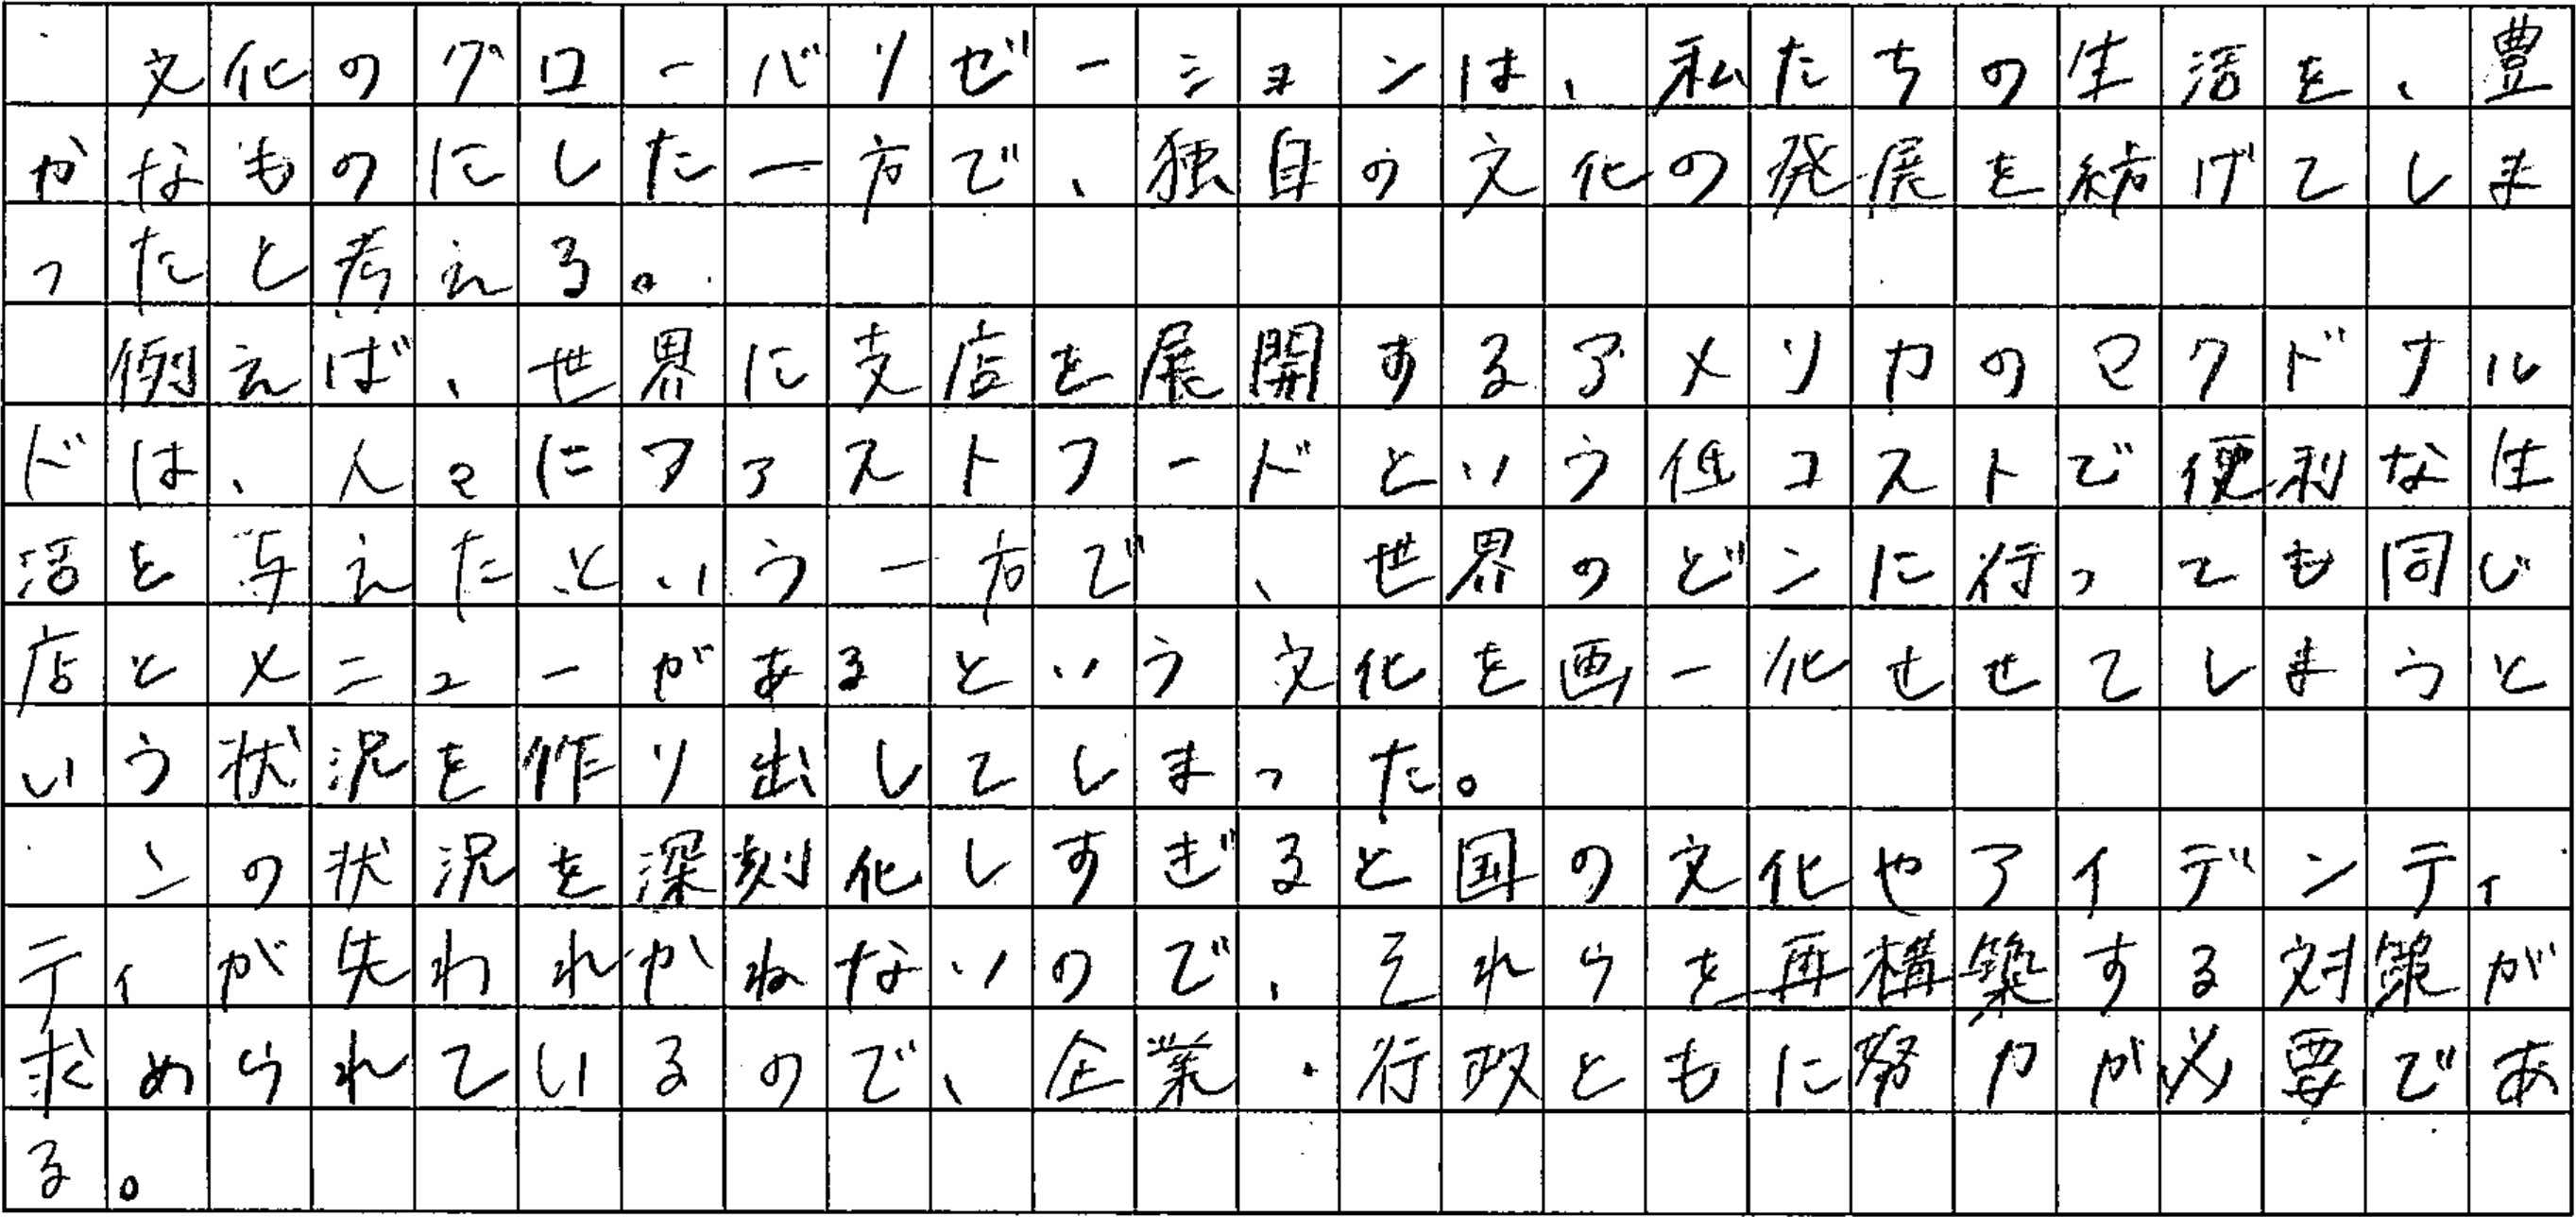　文化のグローバリゼーションは、私たちの生活を、豊かなものにした一方で、独自の文化の発展を紡げてしまったと考える。
　例えば、世界に支店を展開するアメリカのマクドナルドは、人々にファストフードという低コストで便利な生活を与えたという一方で　、世界のどこに行っても同じ店とメニューがあるという文化を画一化させてしまうという状況を作り出してしまった。
　この状況を深刻化しすぎると国の文化やアイデンティティが失われかねないので、それらを再構築する対策が求められているので、企業・行政ともに努力が必要である。
